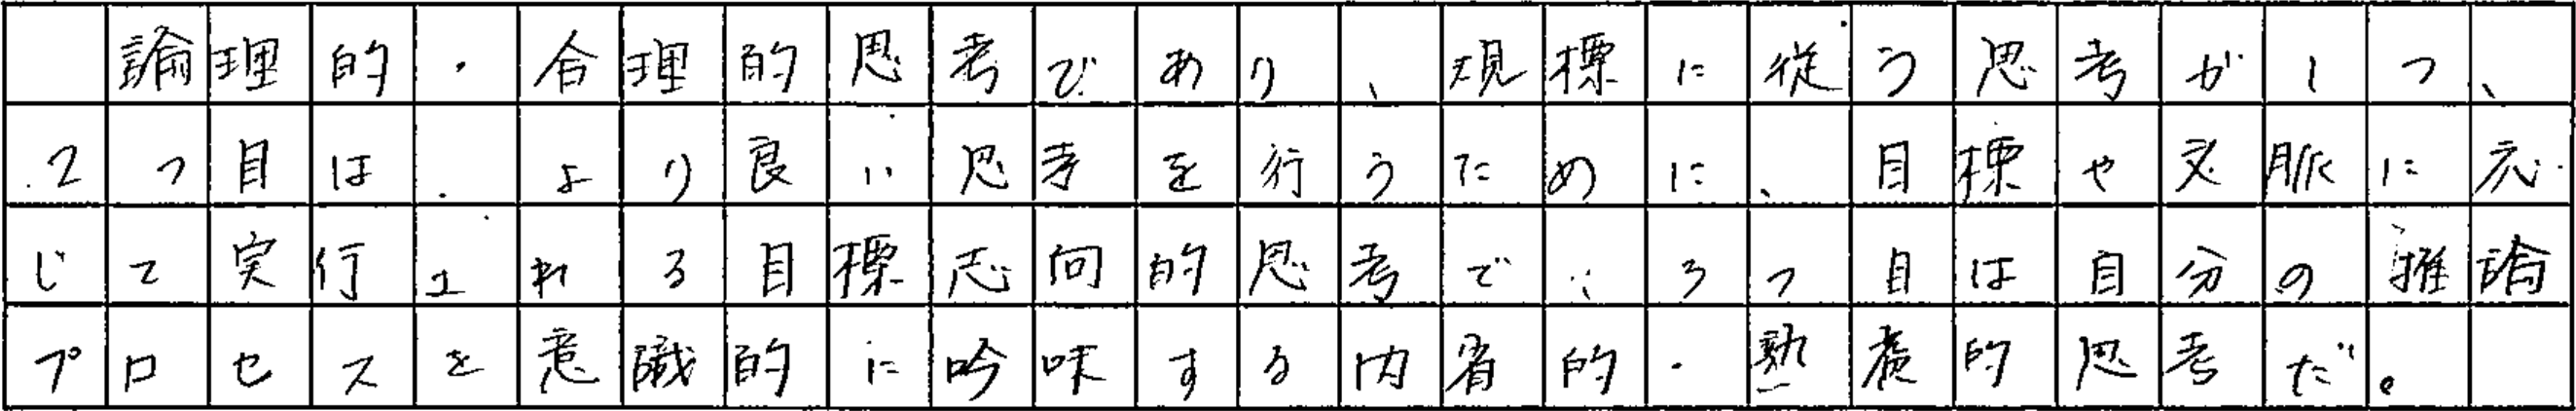　論理的・合理的思考であり、規標に従う思考が１つ、２つ目は、より良い思考を行うために、目標や文脈に応じて実行される目標志向的思考で、３つ目は自分の推論プロセスを意識的に吟味する内省的・熟慮的思考だ。
